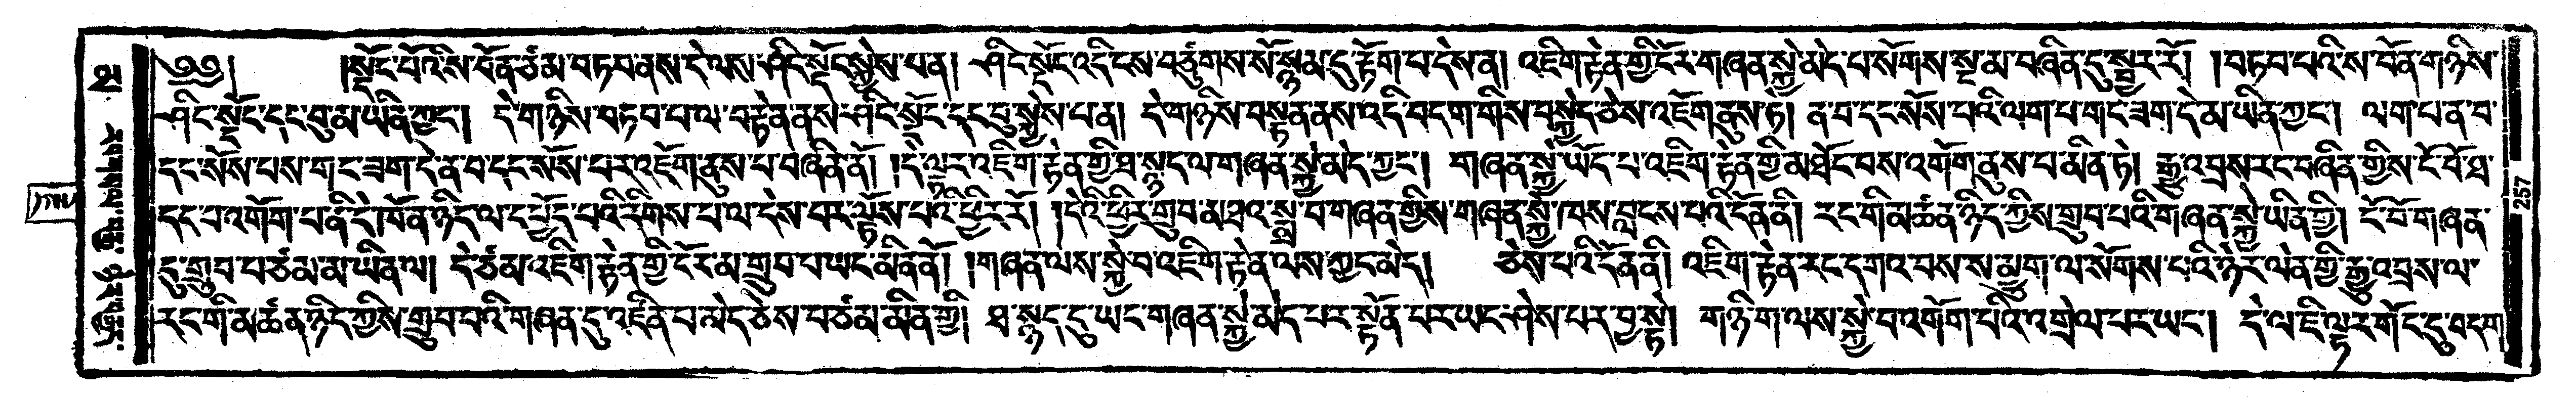༄༅། །སྡོང་པོའི་ས་བོན་ཙམ་བཏབ་ནས་དེ་ལས་ཤིང་སྡོང་སྐྱེས་པ་ན། ཤིང་སྡོང་འདི་ངས་བཙུགས་སོ་སྙམ་དུ་རྟོག་པ་དེས་ན། འཇིག་རྟེན་གྱི་ངོར་གཞན་སྐྱེ་མེད་པ་སོགས་སྔ་མ་བཞིན་དུ་སྦྱར་རོ། །བཏབ་པའི་ས་བོན་གཉིས་
ཤིང་སྡོང་དང་བུ་མ་ཡིན་ཀྱང་། དེ་གཉིས་བཏབ་པ་ལ་བརྟེན་ནས་ཤིང་སྡོང་དང་བུ་སྐྱེས་པ་ན། དེ་གཉིས་བསྟན་ནས་འདི་བདག་གིས་བསྐྱེད་ཅེས་འཇོག་ནུས་ཏེ། ན་བ་དང་སོས་པའི་ལག་པ་གང་ཟག་དེ་མ་ཡིན་ཀྱང་། ལག་པ་ན་བ་
དང་སོས་པས་གང་ཟག་དེ་ན་བ་དང་སོས་པར་འཇོག་ནུས་པ་བཞིན་ནོ། །དེ་ལྟར་འཇིག་རྟེན་གྱི་ཐ་སྙད་ལ་གཞན་སྐྱེ་མེད་ཀྱང་། གཞན་སྐྱེ་ཡོད་པ་འཇིག་རྟེན་གྱི་མཐོང་བས་འགོག་ནུས་པ་མིན་ཏེ། རྒྱུ་འབྲས་རང་བཞིན་གྱིས་ངོ་བོ་ཐ་
དད་པ་འགོག་པ་ནི་དེ་ཁོ་ན་ཉིད་ལ་དཔྱོད་པའི་རིགས་པ་ལ་ངེས་པར་ལྟོས་པའི་ཕྱིར་རོ། །དེའི་ཕྱིར་གྲུབ་མཐའ་སྨྲ་བ་གཞན་གྱིས་གཞན་སྐྱེ་ཁས་བླངས་པའི་དོན་ནི། རང་གི་མཚན་ཉིད་ཀྱིས་གྲུབ་པའི་གཞན་སྐྱེ་ཡིན་གྱི། ངོ་བོ་གཞན་
དུ་གྲུབ་པ་ཙམ་མ་ཡིན་ལ། དེ་ཙམ་འཇིག་རྟེན་གྱི་ངོར་མ་གྲུབ་པ་ཡང་མིན་ནོ། །གཞན་ལས་སྐྱེ་བ་འཇིག་རྟེན་ལས་ཀྱང་མེད། ཅེས་པའི་དོན་ནི། འཇིག་རྟེན་རང་དགའ་བས་ས་མྱུག་ལ་སོགས་པའི་ཉེར་ལེན་གྱི་རྒྱུ་འབྲས་ལ་
རང་གི་མཚན་ཉིད་ཀྱིས་གྲུབ་པའི་གཞན་དུ་འཛིན་པ་མེད་ཅེས་པ་ཙམ་མིན་གྱི། ཐ་སྙད་དུ་ཡང་གཞན་སྐྱེ་མེད་པར་སྟོན་པར་ཡང་ཤེས་པར་བྱ་སྟེ། གཉི་ག་ལས་སྐྱེ་བ་འགོག་པའི་འགྲེལ་པར་ཡང་། དེ་ལ་ཇི་ལྟར་གོང་དུ་བདག་